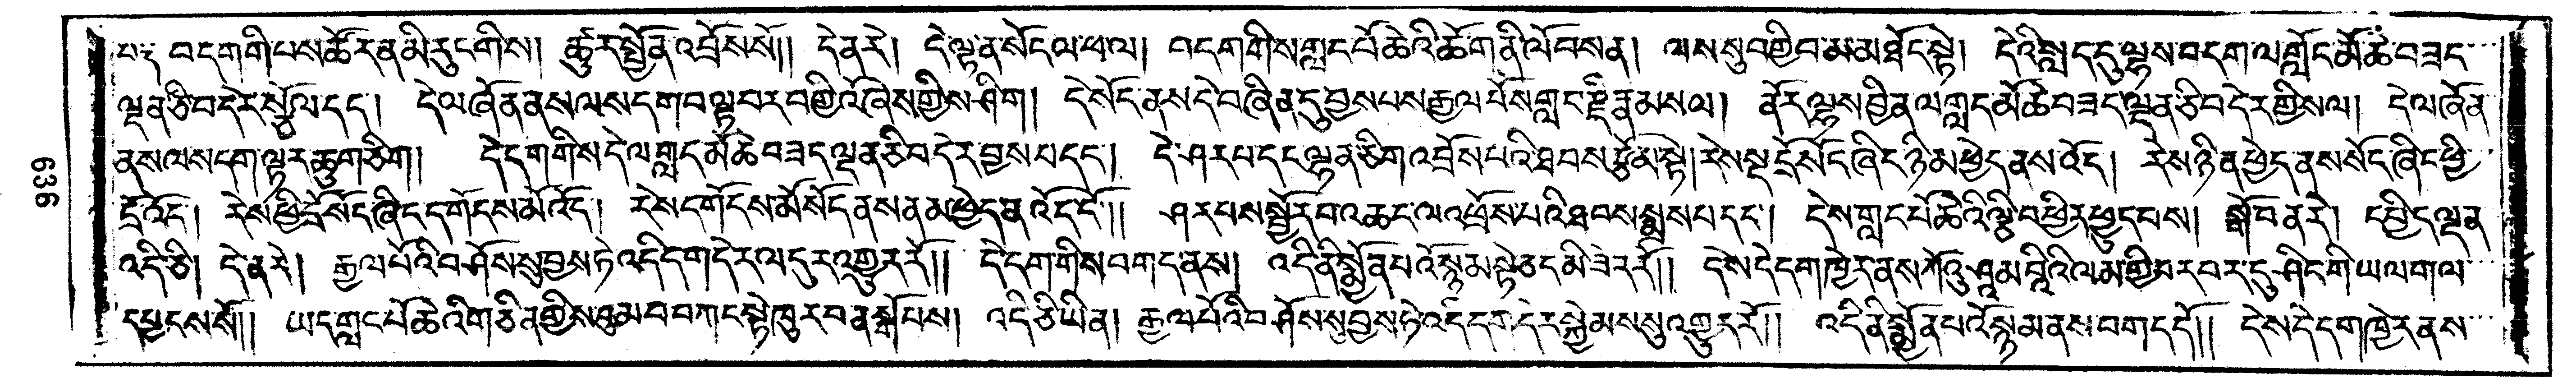པ༑ བདག་གི་པས་ཚོར་ན་མི་རུང་གིས། ཚུར་སྦྱོན་འབྲོས་སོ།། དེ་ན་རེ། དེ་ལྟ་ན་སོང་ལ་ཕལ། བདག་གིས་གླང་པོ་ཆེའི་ཆོ་ག་ནི་ལོབས་ན། ལས་སུ་བགྱིབ་མ་མཐོང་སྟེ། དེའི་སླད་དུ་ལྷས་བདག་ལ་གླང་མོ་ཆེ་བཟང་
ལྡན་ཅི་བདེར་སྩོལ་དད། དེ་ལ་ཞོན་ནས་ལས་དག་བལྟ་བར་བགྱིའོ་ཞེས་གྱིས་ཤིག། དེ་སོང་ནས་དེ་བཞིན་དུ་བྱས་པས་རྒྱལ་པོས་གླང་རྫི་རྣམས་ལ། ནོར་ལྷས་བྱིན་ལ་གླང་མོ་ཆེ་བཟད་ལྡན་ཅི་བདེར་གྱིས་ལ། དེ་ལ་ཞོན་
ནས་ལས་དག་ལྟར་ཆུག་ཅིག། དེ་དག་གིས་དེ་ལ་གླང་མོ་ཆེ་བཟད་ལྡན་ཅི་བདེར་བྱས་པ་དང་། དེ་ཤར་པ་དང་ལྷན་ཅིག་འབྲོས་པའི་ཐབས་རྩོམ་སྟེ། རེས་སྔ་དྲོ་སོང་ཞིང་ཉི་མ་ཕྱེད་ནས་འོད། རེས་ཉིན་ཕྱེད་ནས་སོང་ཞིང་ཕྱི་
དྲོ་འོད། རེས་ཕྱི་དྲོ་སོད་ཞིང་དགོངས་མོ་འོད། རེས་དགོངས་མོ་སོད་ནས་ནམ་ཕྱེད་ན་འོད་ངོ།། ཤར་པས་སྦྱོར་བ་འཆང་ལ་འཕྲོས་པའི་ཐབས་སྨྲས་པ་དང་། དེས་གླང་པོ་ཆེའི་ལྕིབ་ཕྱིར་ཕྱུང་བས། སྒོ་བ་ན་རེ། དབྱིད་ལྡན་
འདི་ཅི། དེ་ན་རེ། རྒྱལ་པོའི་བཤོས་སུ་བྱས་ཏེ་འདི་དག་དེར་ལ་དུར་འགྱུར་རོ།། དེ་དག་གིས་བགད་ནས། འདི་ནི་སྨྱོན་པའོ་སྙམ་སྟེ་ཅང་མི་ཟེར་རོ།། དེས་དེ་དག་ཁྱེར་ནས་ཀོའུ་ཤཱམྦཱིའི་ལམ་གྱི་བར་བར་དུ་ཤིང་གི་ཡལ་གལ་
དཔྱངས་སོ།། ཡང་གླང་པོ་ཆེའི་གཅིན་གྱིས་བུམ་པ་བཀང་སྟེ་ཁུར་བ་ན་སྒོ་པས། འདི་ཅི་ཡིན། རྒྱལ་པོའི་བཤོས་སུ་བྱས་ཏེ་འདི་དག་དེར་སྐྱེམས་སུ་འགྱུར་རོ།། འདི་ནི་སྨྱོན་པའོ་སྙམ་ནས་བགད་དོ།། དེས་དེ་དག་ཁྱེར་ནས་